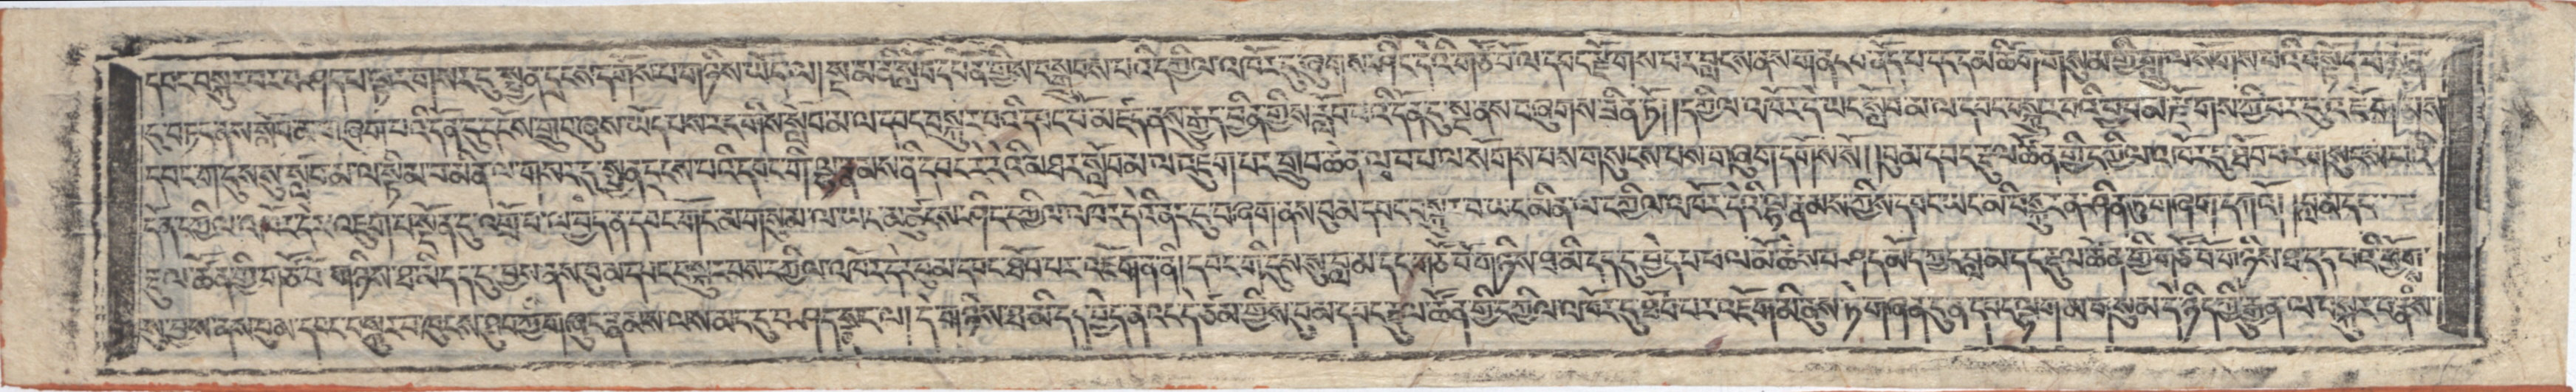དབང་བསྐུར་བར་བཤད་པ་ལྟར་གསར་དུ་སྤྱན་དྲངས་དགོས་པ་གཉིས་ཡོད་ལ། སྔ་མ་ནི་སློབ་དཔོན་གྱིས་བསྒྲུབས་པའི་དཀྱིལ་འཁོར་དུ་ཞུགས་ཤིང་དེའི་གཙོ་བོ་ལ་དབང་རྫོགས་པར་བླངས་ནས་གནང་བ་ནོད་པ་དང་དམ་ཚིག་གསུམ་གྱི་གླུ་ལ་སོགས་པའི་བསྟོད་པ་སྔོན་
དུ་བཏང་ནས་སློབ་མ་གཞུག་པའི་དོན་དུ་དངོས་གྲུབ་ཞུས་ཡོད་པས་རང་གིས་སློབ་མ་ལ་དབང་བསྐུར་བའི་དབང་པོ་མཛད་ནས་རྒྱུད་བྱིན་གྱིས་རློབ་པའི་དོན་དུ་སྔ་ནས་བཞུགས་ཟིན་ཏོ། །དཀྱིལ་འཁོར་དེ་ཡང་སློབ་མ་ལ་དབང་བསྐུར་བའི་བྱ་བ་མ་རྫོགས་ཀྱི་བར་དུ་འཇོག་པས་
དབང་གི་དུས་སུ་སློབ་མ་ལ་སྟིམ་པ་མིན་ལ་གསར་དུ་སྤྱན་དྲངས་པའི་དབང་གི་ལྷ་རྣམས་ནི་དབང་རེ་རེའི་མཐར་སློབ་མ་ལ་འཇུག་པར་གྲུབ་ཆེན་ལྭ་བ་པ་ལ་སོགས་པས་གསུངས་པས་གཞུག་དགོས་སོ། །བུམ་དབང་རྡུལ་ཚོན་གྱི་དཀྱིལ་འཁོར་དུ་ཐོབ་པར་གསུངས་པའི་
དོན་དཀྱིལ་འཁོར་དེར་འཇུག་པ་སྔོན་དུ་འགྲོ་བ་ལ་བྱེད་ན་དབང་གོང་མ་གསུམ་ལ་ཡང་མཚུངས་ཤིང་དཀྱིལ་འཁོར་དེའི་ནང་དུ་བཞག་ནས་བུམ་དབང་བསྐུར་བ་ཡང་མིན་ལ་དཀྱིལ་འཁོར་དེའི་ལྷ་རྣམས་ཀྱིས་དབང་ཡང་མི་བསྐུར་ན་ཤིན་ཏུ་གཞག་དཀའོ། །བླ་མ་དང་
རྡུལ་ཚོན་གྱི་གཙོ་བོ་གཉིས་ཐ་མི་དད་དུ་བྱས་ནས་བུམ་དབང་བསྐུར་བས་དཀྱིལ་འཁོར་དེར་བུམ་དབང་ཐོབ་པར་འཇོག་ན་ནི། དབང་གི་དུས་སུ་བླ་མ་དང་གཙོ་བོ་གཉིས་ཐ་མི་དད་དུ་བྱེད་པ་ཕལ་མོ་ཆེས་བཤད་མོད་ཀྱང་བླ་མ་དང་རྡུལ་ཚོན་གྱི་གཙོ་བོ་གཉིས་ཐ་དད་པའི་ཕྱོགས་
སུ་བྱས་ནས་བུམ་དབང་བསྐུར་བ་ཁུངས་ཐུབ་ཀྱི་གཞུང་རྣམས་ལས་མང་དུ་བཤད་སྣང་ལ། དེ་གཉིས་ཐ་མི་དད་བྱེད་ནའང་དེ་ཙམ་གྱིས་བུམ་དབང་རྡུལ་ཚོན་གྱི་དཀྱིལ་འཁོར་དུ་ཐོབ་པར་འཇོག་མི་ནུས་ཏེ་གཞན་དུ་ན་དབང་ལྷག་མ་གསུམ་དེ་ཉིད་ཀྱི་རྒྱུན་ལ་བསྐུར་བ་རྣམ་